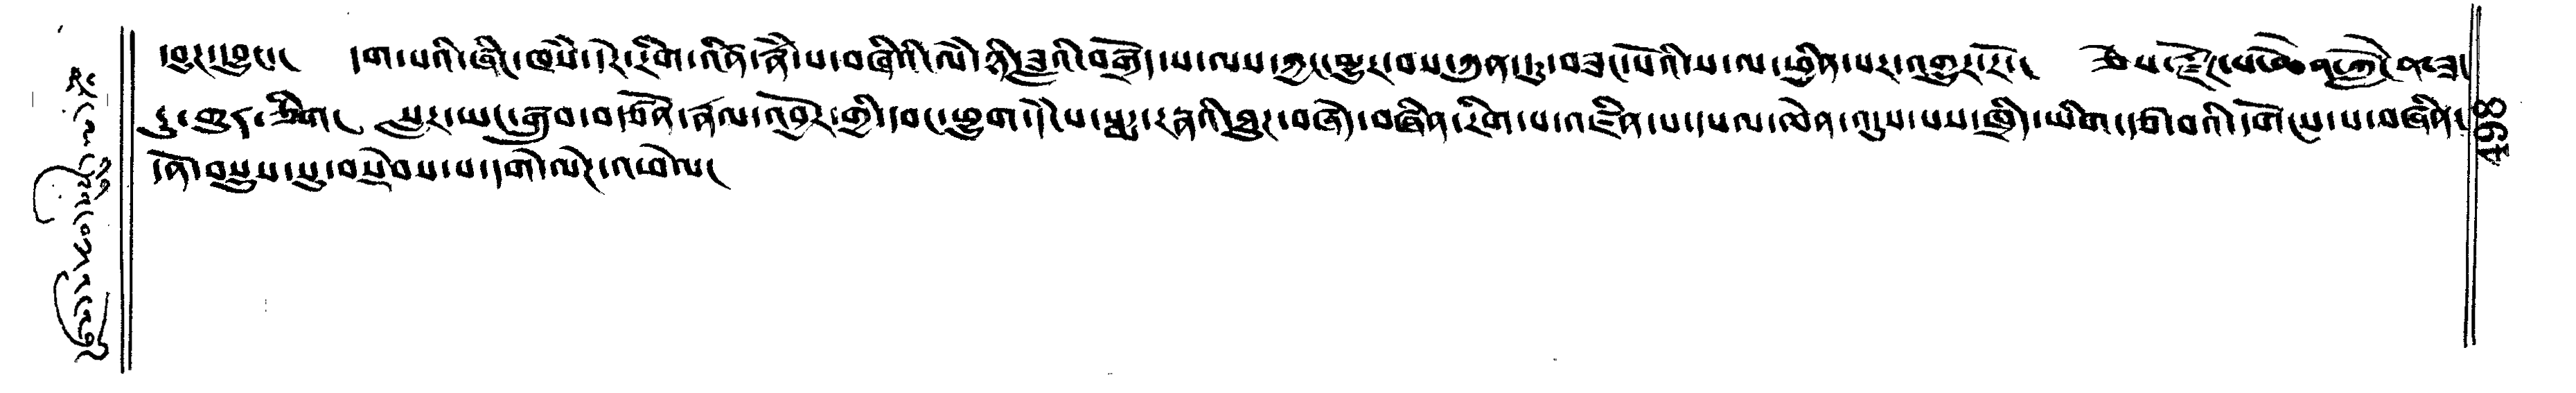དབུགས་དབྱུང་། དག་པའི་ཞིང་ཁམས་དེར་རིག་འཛིན་རྣམ་པ་བཞིའི་ལམ་ཉི་ཟླའི་བགྲོད་པ་ལས་ཀྱང་མྱུར་བས་ཀུན་ཏུ་བཟང་པོའི་ས་ལ་ཕྱིན་པར་འགྱུར་རོ། ཞེས་རྫོགས་པ་ཆེན་པོ་ཀློང་ཆེན་ཟང་
བུར་གྱུར་ཅིག སླར་ཡང་སྒྲུབ་བརྩོན་རྣལ་འབྱོར་གྱི་དབང་ཕྱུག་དམ་པ་པདྨ་རཏྣའི་ཐུགས་བཞེད་བཞིན་རིག་པ་འཛིན་པ་དཔལ་ཆེན་འདུས་པས་ཁྲིད་ཡིག་རྩ་བའི་དགོངས་པ་བཞིན་
དོན་བསྡུས་སུ་བསྡེབས་པ་དགེ་ལེགས་འཕེལ།།